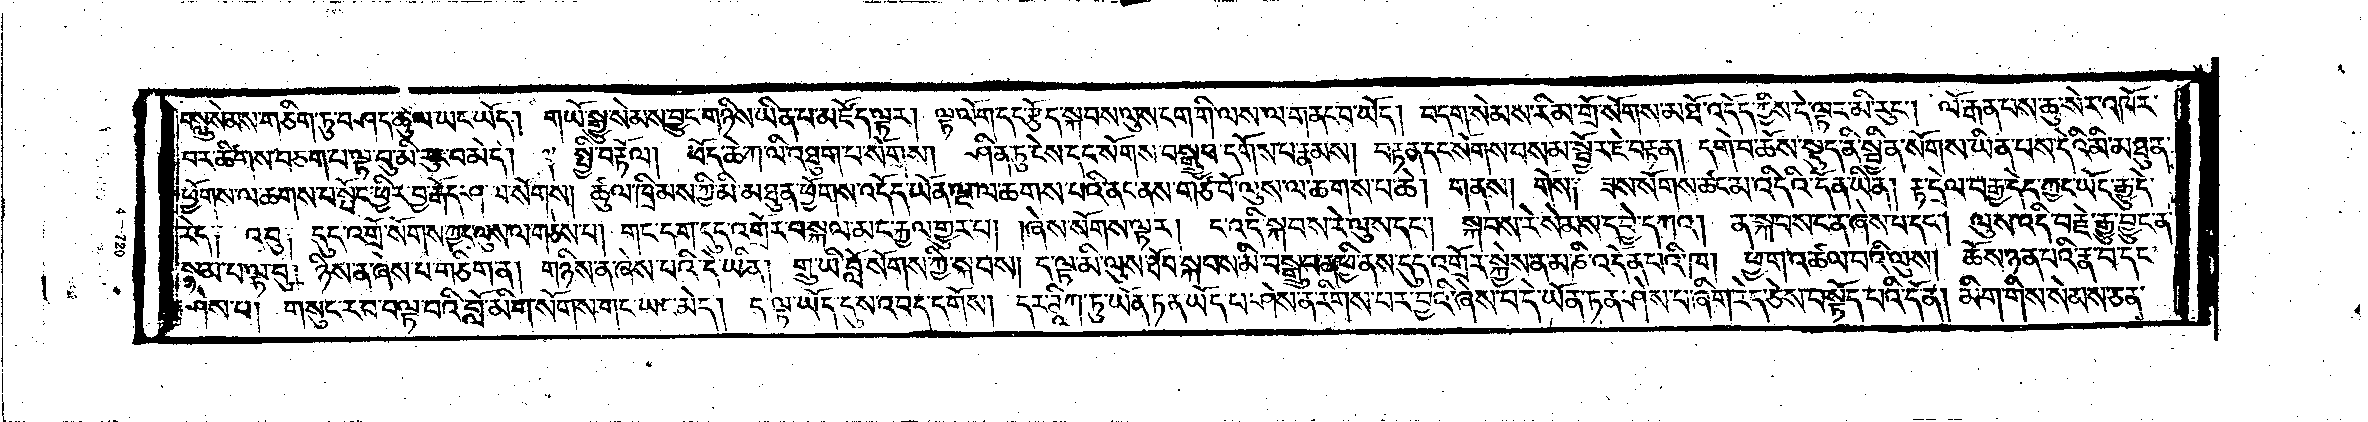བསླུ་སེམས་གཅིག་ཏུ་བཤད་ཚུལ་ཡང་ཡོད། གཡོ་སྒྱུ་སེམས་བྱུང་གཉིས་ཡིན་པ་མཛོད་ལྟར། ལྟ་ལོག་དང་རྩོད་སྐབས་ལུས་ངག་གི་ལས་ལ་གནང་བ་ཡོད། བདག་སེམས་རིམ་གྲོ་སོགས་མཐོ་འདོད་ཀྱིས་དེ་ལྟར་མི་རུང་། ལོ་རྒན་པས་ཆུ་སེར་འཁོར་
བར་ཚིགས་བཅག་པ་ལྟ་བུ་མི་རུང་བ་མེད། ༈ སྤྱི་བརྟོལ། ཕོད་ཆེ་ཀ་ལི་འཐུག་པ་སོགས། ཤིན་ཏུ་ངེས་དང་སོགས་བསྒྲུབ་དགོས་པ་རྣམས། བརྟན་དང་སོགས་བསམ་སྦྱོར་ཇེ་བརྟན། དགེ་བ་ཆོས་སྡུད་ནི་སྦྱིན་སོགས་པ་ཡིན་པས་དེའི་མི་མཐུན་
ཕྱོགས་ལ་ཆགས་བ་སྤོང་ཕྱིར་བྱ་རྒོད་ཤ་ལ་སོགས། ཚུལ་ཁྲིམས་ཀྱི་མི་མཐུན་ཕྱོགས་འདོད་ཡོན་ལྔ་ལ་ཆགས་པའི་ནང་ནས་གཙོ་བོ་ལུས་ལ་ཆགས་པ་ཆེ། གནས། གོས༑ ཟས་སོགས་ཚང་མ་འདིའི་དོན་ཡིན། རྟ་དྲེལ་བརྒྱ་དེང་ཀྱང་ཡོང་རྒྱུ་དེ་
རེད༑ འབུ༑ དུད་འགྲོ་སོགས་ཀྱང་ལུས་ལ་གཅེས་པ། གང་དག་དུད་འགྲོར་བསྐལ་མང་རྐྱལ་གྱུར་པ། །ཞེས་སོགས་ལྟར། ང་འདི་སྐབས་རེ་ལུས་དང་། སྐབས་རེ་སེམས་དབྱེ་དཀའ། ན་སྐབས་ངན་ཞེས་པ་དང་། ལུས་འདི་བརྗེ་རྒྱུ་བྱུང་ན་
སྙམ་པ་ལྟ་བུ། ཉིས་ན་ཞེས་པ་གཅིག་ན། གཉིས་ན་ཞེས་པའི་དཻ་ཡིན། གྲུ་ཡི་བློ་སོགས་ཀྱི་སྐབས། ད་ལྟ་མི་ལུས་ཐོབ་སྐབས་མི་བསྒྲུབ་ན་ཕྱི་ནས་དུད་འགྲོར་སྐྱེས་ན་མ་ཎི་འདོན་པའི་ཁ། ཕྱག་འཚལ་བའི་ལུས། ཆོས་ཉན་པའི་རྣ་བ་དང་
ཤེས་པ། གསུང་རབ་བལྟ་བའི་བློ་མིག་སོགས་གང་ཡང་མེད། ད་ལྟ་ཡོད་དུས་འབད་དགོས། དར་ཊཱིཀ་ཏུ་ཡོན་ཏན་ཡོད་པ་ཤེས་ན་རིགས་པར་བྱའི་ཞེས་པ་དེ་ཡོན་ཏན་ཤེས་པ་ཞིག་རེད་ཅེས་བསྟོད་པའི་དོན། མིག་གིས་སེམས་ཅན་